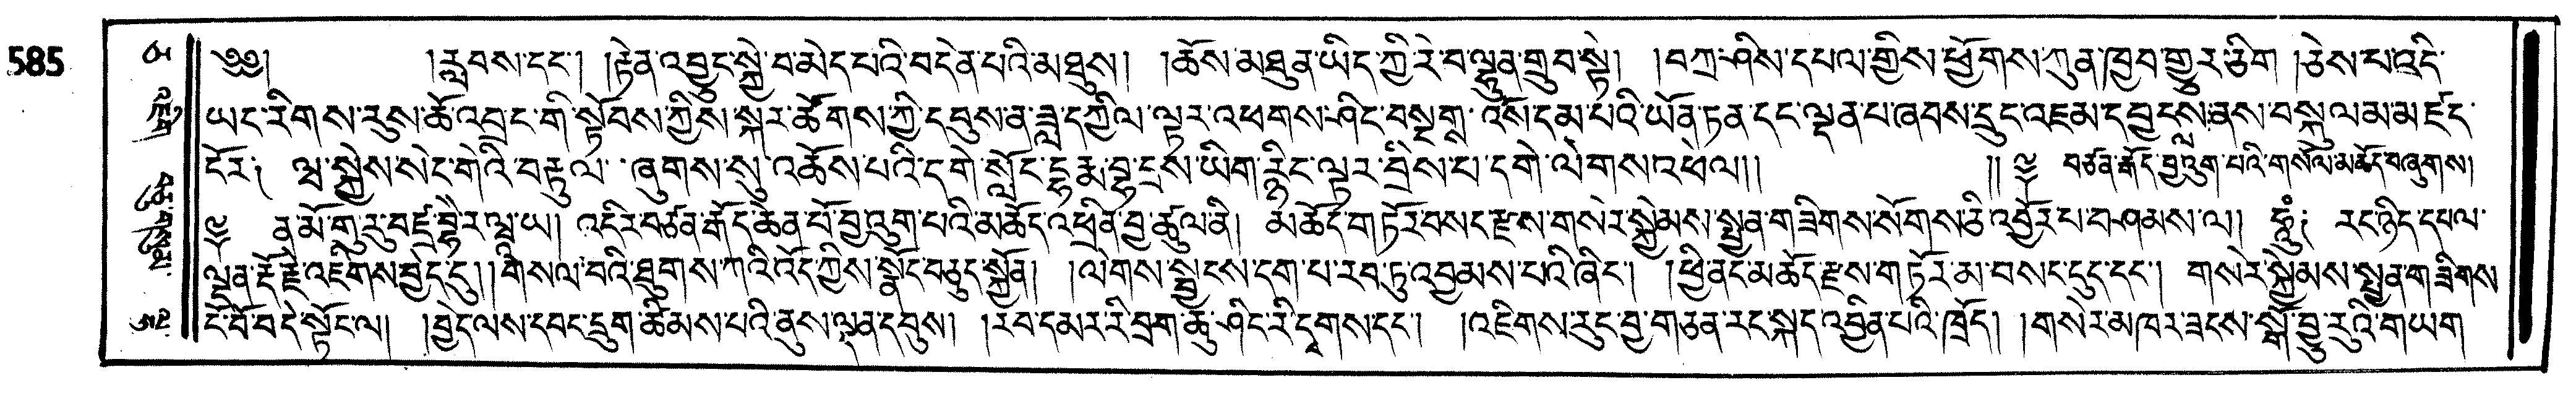༄༅། །རླབས་དང་། །རྟེན་འབྱུང་སྐྱེ་བ་མེད་པའི་བདེན་པའི་མཐུས། །ཆོས་མཐུན་ཡིད་ཀྱི་རེ་བ་ལྷུན་གྲུབ་སྟེ། །བཀྲ་ཤིས་དཔལ་གྱིས་ཕྱོགས་ཀུན་ཁྱབ་གྱུར་ཅིག །ཅེས་པ་འདི་
ཡང་རིགས་རུས་ཆོས་འབྲང་གི་སྟོབས་ཀྱིས་སྐར་ཚོགས་ཀྱི་དབུས་ན་ཟླ་དཀྱིལ་ལྟར་འཕགས་ཤིང་བསྔས་འོས་དམ་པའི་ཡོན་ཏན་དང་ལྡན་པ་ཞབས་དྲུང་འཇམ་དབྱངས་ལ་ནས་བསྐུལ་མ་མཛད་
དོར༑ ཝ་སྐྱེས་སེང་གེའི་བརྟུལ་་་ཞུགས་སུ་འཆོས་པའི་དགེ་སློང་དྷརྨ་བྷ་དྲས་ཡིག་རྙིང་ལྟར་བྲིས་པ་དགེ་ལེགས་འཕེལ།། །།འ་བཙན་རྒོད་བྱ་འུག་པའི་གསོལ་མཆོད་བཞུགས།
འ་ན་མོ་གུ་རུ་བྫྲ་བྷཻ་ར་ཝཱ་ཡ། འདིར་བཙན་རྒོད་ཆེན་པོ་བྱ་འུག་པའི་མཆོད་འཕྲིན་བྱ་ཚུལ་ནི། མཆོད་གཏོར་བསང་རྫས་གསེར་སྐྱེམས་སྤྱན་གཟིགས་སོགས་ཅི་འབྱོར་པ་བཤམས་ལ། ཧཱུཾ༑ རང་ཉིད་དཔལ་
ལྡན་རྡོ་རྗེ་འཇིགས་བྱེད་དུ། །གསལ་བའི་ཐུགས་ཀའི་འོད་ཀྱིས་སྣོང་བཅུད་སྐྱོན། །ལེགས་སྦྱངས་དག་པ་རབ་ཏུ་འབྱམས་པའི་ཞིང་། །ཕྱི་ནང་མཆོད་རྫས་གཏོར་མ་བསང་དུད་དང་། གསེར་སྐྱེམས་སྤྱན་གཟིགས་
ངོ་བོ་བདེ་སྟོང་ལ། །བྱེད་ལས་དབང་དྲུག་ཚིམས་པའི་ནུས་ལྡན་དབུས། །རབ་དམར་རི་བྲག་ཆུ་ཤིང་རི་དྭགས་དང་། །འཇིགས་རུང་བྱ་གཅན་རང་སྐད་འབྱིན་པའི་ཁྲོད། །གསེར་མཁར་ཟངས་སྒོ་བྱུ་རུའི་གཡག་